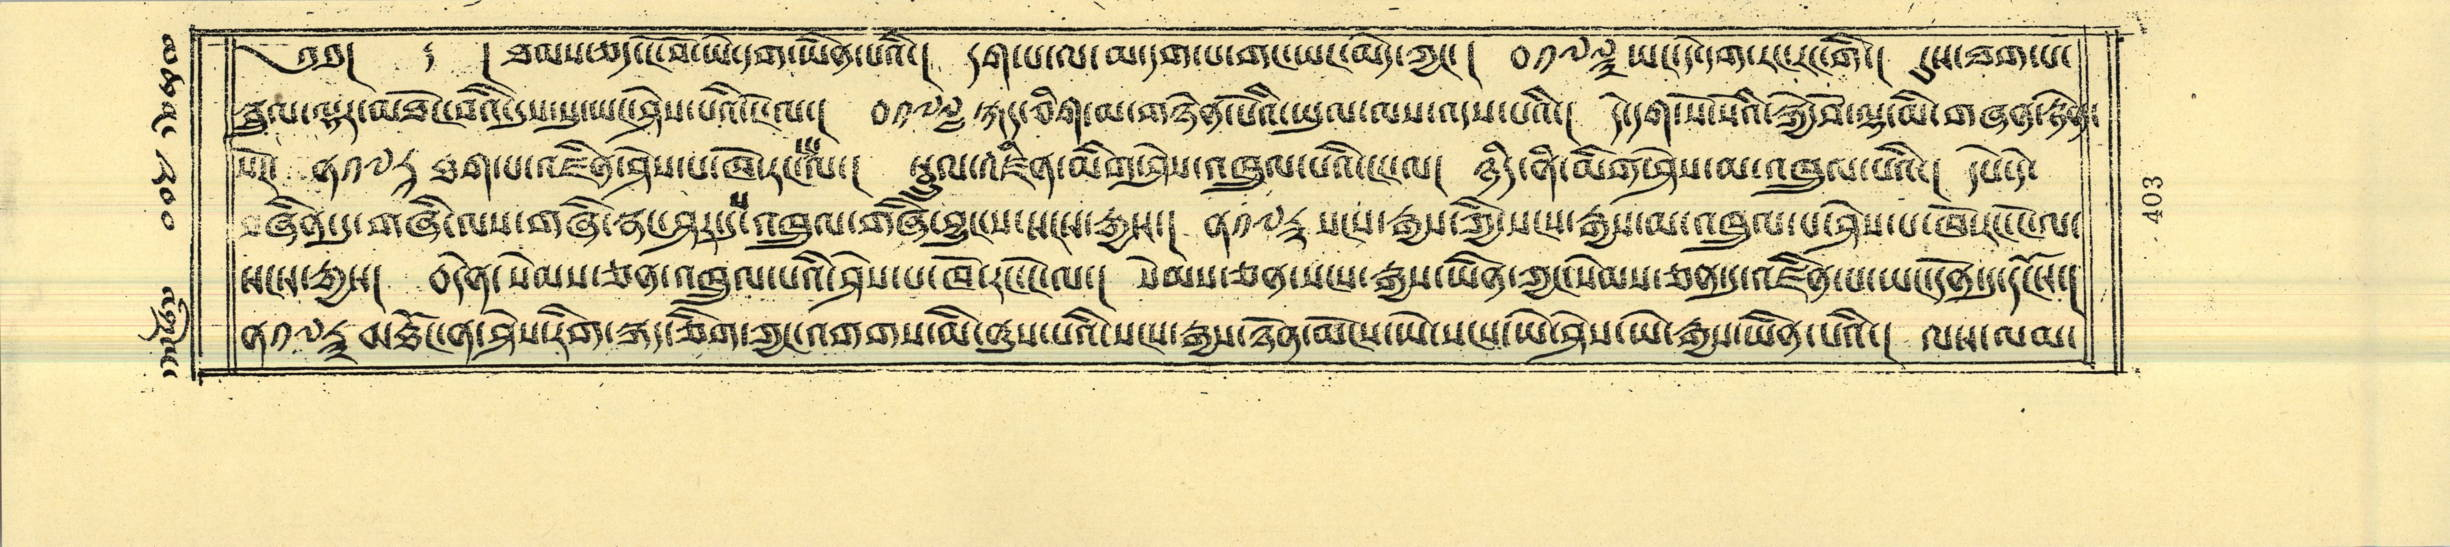ཐམས་ཅད་ངོ་བོ་ཡེ་དག་ཡིན་པའི། དག་པ་ལ་མ་དག་པ་གང་ཡང་མེད་ཀྱང་། བ༡༧༧།༣ ཡང་དེ་དག་རང་རང་གི་ དུས་ཐག་པ་
སྦྲུལ་ལྟར་མཐོང་བའི་དུས་སུ་ཡང་ཤེས་པའི་ངོ་ལ་ བ༡༧༠།༤སྐད་ཅིག་མ་གཉེན་པོའི་ཡུལ་ལས་འདས་པའི་ དེ་དག་སོ་སོའི་སྐྱེ་བོ་ལྷ་མི་གཞན་བརྟེན་
སོགས་ ན༡༧༨།༡ཐག་པ་འཛིན་ཤེས་པ་ཁོ་རང་ངང་ལ་ སྦྲུལ་འཛིན་མིག་ཤེས་འཁྲུལ་པའི་ངང་ལ་ ཉིད་ནི་མིག་ཤེས་མ་འཁྲུལ་པའི། དཔེ་དེ་
བཞིན་དུ་གཞི་ལས་གཞི་སྣང་ཤར་དུས་འཁྲུལ་གཞི་བྱུང་ས་སངས་རྒྱས་ ན༡༧༨།༢སངས་རྒྱས་ཀྱིས་སངས་རྒྱས་མ་འཁྲུལ་པ་ཤེས་པ་ཁོ་རང་ངོ་ལ་
སངས་རྒྱས། བདེན་སེམས་ཅན་འཁྲུལ་པའི་ཤེས་པ་ཁོ་རང་ངོ་ལ། སེམས་ཅན་སངས་རྒྱས་ཡིན་ཀྱང་སེམས་ཅན་དུ་འཛིན་པ་ཡང་དོན་དུ་དངོས
ན༡༧༨།༣མཐོང་ན་ཤེས་རིག་སྐད་ཅིག་ཀྱ་ང་འགག་མི་ནུས་པའི་སངས་རྒྱས་ཉོན་མོངས་ཡེ་སངས་རྒྱས་ཡེ་ཤེས་ཡེ་རྒྱས་ཡིན་པའི་ ལས་ལམ་